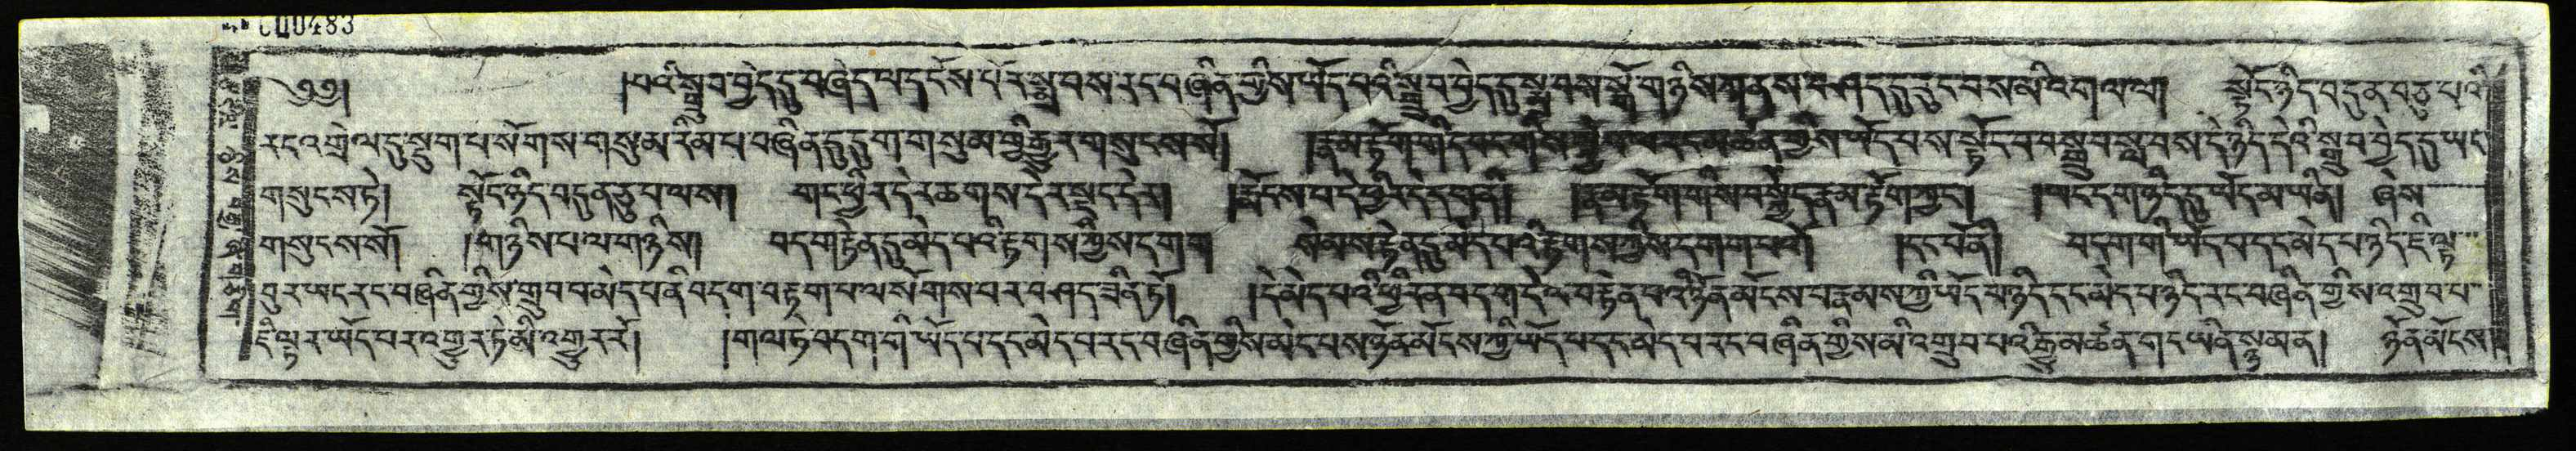༄༅། །པའི་སྒྲུབ་བྱེད་དུ་བཞད་ལ་དངོས་པོར་སྨྲ་བས་རང་བཞིན་གྱིས་ཡོད་པའི་སྒྲུབ་བྱེད་དུ་སྨྲ་བས་སྒོ་གཉིས་ཀ་ནས་བཤད་དུ་རུང་བས་མི་འགལ་ལ། སྟོང་ཉིད་བདུན་བཅུ་པའི་
རང་འགྲེལ་དུ་སྡུག་པ་སོགས་གསུམ་རིམ་པ་བཞིན་དུ་དུག་གསུམ་གྱི་རྒྱུར་གསུངས་སོ། །རྣམ་རྟོག་གི་དབང་གིས་སྐྱེས་ལ་རང་མཚན་གྱིས་ཡོད་པས་སྟོང་པ་བསྒྲུབ་སླ་བས་དེ་ཉིད་དེའི་སྒྲུབ་བྱེད་དུ་ཡང་
གསུངས་ཏེ། སྟོང་ཉིད་བདུན་ཅུ་པ་ལས། གང་ཕྱིར་དེར་ཆགས་དེར་སྡང་དེར། །རྨོངས་པ་དེ་ཕྱིར་དེ་དག་ནི། །རྣམ་རྟོག་གིས་བསྐྱེད་རྣམ་རྟོག་ཀྱང་། །ཡང་དག་ཉིད་དུ་ཡོད་མ་ཡིན། ཞེས་
གསུངས་སོ། །གཉིས་པ་ལ་གཉིས། བདག་རྟེན་དུ་མེད་པའི་རྟགས་ཀྱིས་དགག་སེམས་རྟེན་དུ་མེད་པའི་རྟགས་ཀྱིས་དགག་པའོ། །དང་པོ་ནི། བདག་གི་ཡོད་པ་དང་མེད་པ་ཉིད་ཇི་ལྟ་
བུར་ཡང་རང་བཞིན་གྱིས་གྲུབ་པ་མེད་པ་ནི་བདག་བརྟག་པ་ལ་སོགས་པར་བཤད་ཟིན་ཏོ། །དེ་མེད་པའི་ཕྱིར་ན་བདག་དེ་ལ་བརྟེན་པའི་ཉོན་མོངས་པ་རྣམས་ཀྱི་ཡོད་གཉིད་དང་མེད་པ་ཉིད་རང་བཞིན་གྱིས་འགྲུབ་པ་
ཇི་ལྟར་ཡོད་པར་འགྱུར་ཏེ་མི་འགྱུར་རོ། །གལ་ཏེ་བདག་གི་ཡོད་པ་དང་མེད་པ་རང་བཞིན་གྱིས་མེད་པས་ཉོན་མོངས་ཀྱི་ཡོད་པ་དང་མེད་པ་རང་བཞིན་གྱིས་མི་འགྲུབ་པའི་རྒྱུ་མཚན་གང་ཡིན་སྙམ་ན། ཉོན་མོངས་